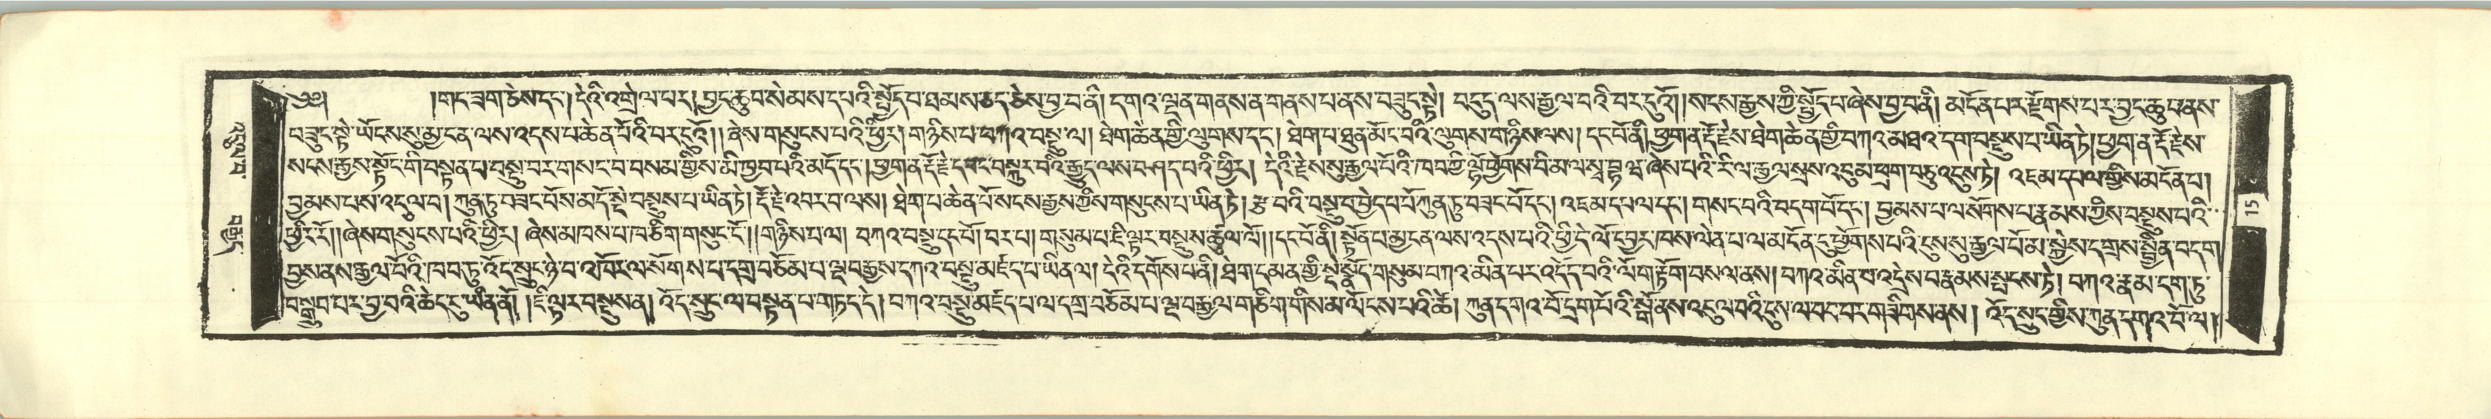༄༅། །གང་ཟག་ཅེས་དང་། དེའི་འགྲེལ་བར། བྱང་ཆུབ་སེམས་དཔའི་སྤྱོད་པ་ཐམས་ཅད་ཅེས་བྱ་བ་ནི། དགའ་ལྡན་གནས་ན་གནས་པ་ནས་བཟུང་སྟེ། བདུད་ལས་རྒྱལ་བའི་བར་དུའོ། །སངས་རྒྱས་ཀྱི་སྤྱོད་པ་ཞེས་བྱ་བ་ནི། མངོན་པར་རྫོགས་པར་བྱང་ཆུབ་ནས་
བཟུང་སྟེ་ཡོངས་སུ་མྱ་ངན་ལས་འདས་པ་ཆེན་པོའི་བར་དུའོ། །ཞེས་གསུངས་པའི་ཕྱིར། གཉིས་པ་བཀའ་བསྡུ་ལ། ཐེག་ཆེན་གྱི་ལུགས་དང་། ཐེག་པ་ཐུན་མོང་པའི་ལུགས་གཉིས་ལས། དང་པོ་ནི། ཕྱག་ན་རྡོ་རྗེས་ཐེག་ཆེན་གྱི་བཀའ་མཐའ་དག་བསྡུས་པ་ཡིན་ཏེ། ཕྱག་ན་རྡོ་རྗེས་
སངས་རྒྱས་སྟོང་གི་བསྟན་པ་བསྡུ་བར་གསང་བ་བསམ་གྱིས་མི་ཁྱབ་པའི་མདོ་དང་། ཕྱག་ན་རྡོ་རྗེ་དབང་བསྐུར་བའི་རྒྱུད་ལས་བཤད་པའི་ཕྱིར། དེའི་རྗེས་སུ་རྒྱལ་པོའི་ཁབ་ཀྱི་ལྷོ་ཕྱོགས་བི་མ་ལ་སྭ་བྷ་ཝ་ཞེས་པའི་རི་ལ་རྒྱལ་སྲས་འབུམ་ཕྲག་བཅུ་འདུས་ཏེ། འཇམ་དཔལ་གྱིས་མངོན་པ།
བྱམས་པས་འདུལ་བ། ཀུན་ཏུ་བཟང་པོས་མདོ་སྡེ་བསྡུས་པ་ཡིན་ཏེ། རྡོ་རྗེ་འབར་བ་ལས། ཐེག་པ་ཆེན་པོ་སངས་རྒྱས་ཀྱིས་གསུངས་པ་ཡིན་ཏེ། རྩ་བའི་བསྡུ་བ་བྱེད་པ་པོ་ཀུན་ཏུ་བཟང་པོ་དང་། འཇམ་དཔལ་དང་། གསང་བའི་བདག་པོ་དང་། བྱམས་པ་ལ་སོགས་པ་རྣམས་ཀྱིས་བསྡུས་པའི་
ཕྱིར་རོ། །ཞེས་གསུངས་པའི་ཕྱིར། ཞེས་མཁས་པ་ཁ་ཅིག་གསུང་ངོ། །གཉིས་པ་ལ། བཀའ་བསྡུ་དང་པོ། བར་པ། གསུམ་པ་ཇི་ལྟར་བསྡུས་ཚུལ་ལོ། །དང་པོ་ནི། སྟོན་པ་བྱ་ངན་ལས་འདས་པའི་ཕྱི་དེ་ལོ་དབྱར་ཁས་ལེན་པ་ལ་མངོན་དུ་ཕྱོགས་པའི་དུས་སུ་རྒྱལ་པོ་མ་སྐྱེས་དགྲས་སྦྱིན་བདག་
བྱས་ནས་རྒྱལ་པོའི་ཁབ་ཏུ་འོད་སྲུང་ཉེ་བ་འཁོར་ལ་སོགས་པ་དགྲ་བཅོམ་པ་ལྔ་བརྒྱས་དཀའ་བསྡུ་མཛད་པ་ཡིན་ལ། དེའི་དགོས་པ་ནི། ཐེག་དམན་གྱི་སྡེ་སྣོད་གསུམ་བཀའ་མིན་པར་འདོད་བའི་ལོག་རྟོག་བསལ་ནས། བཀའ་མིན་པ་འདྲེས་བ་རྣམས་སྤངས་ཏེ། བཀའ་རྣམ་དག་ཏུ་
བསྒྲུབ་པར་བྱ་བའི་ཆེད་དུ་ཡིན་ནོ། །ཇི་ལྟར་བསྡུས་ན། འོད་སྲུང་ལ་བསྟན་པ་གཏད་དེ། བཀའ་བསྡུ་མཛད་པ་ལ་དགྲ་བཅོམ་པ་ལྔ་བརྒྱ་ལ་གཅིག་གིས་མ་ལོངས་པའི་ཚེ། ཀུན་དགའ་བོ་དྲག་པོའི་སྒོ་ནས་འདུལ་བའི་དུས་ལ་བབ་པར་གཟིགས་ནས། འོད་སྲུང་གྱིས་ཀུན་དགའ་བོ་ལ།